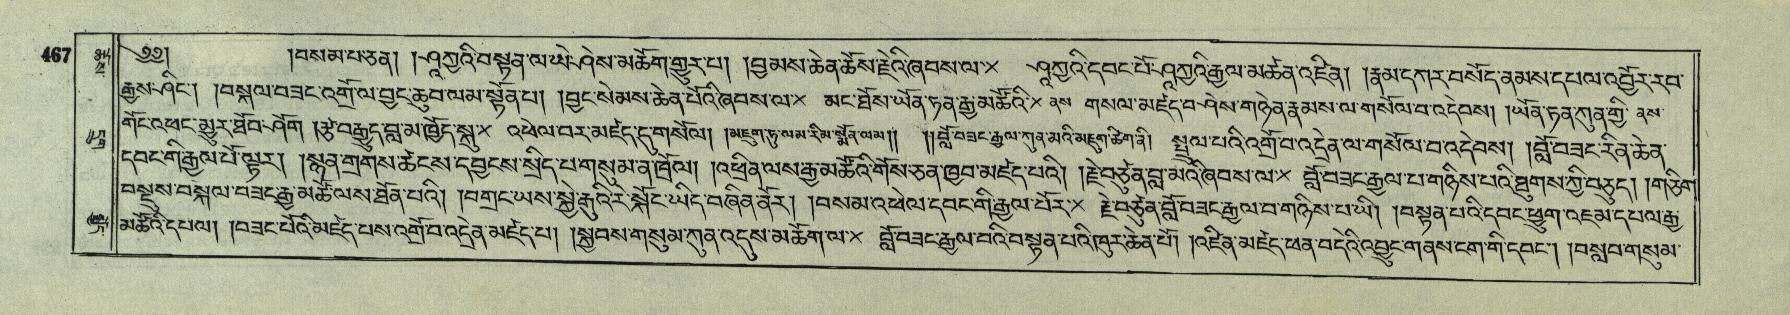༄༅། །བསམ་པ་ཅན། །ཤཱཀྱའི་བསྟན་ལ་ཡེ་ཤེས་མཆོག་གྱུར་པ། །བྱམས་ཆེན་ཆོས་རྗེའི་ཞབས་ལ་྾་ཤཱཀྱའི་དབང་པོ་ཤཱཀྱའི་རྒྱལ་མཚན་འཛིན། །རྣམ་དཀར་བསོད་ནམས་དཔལ་འབྱོར་རབ་
རྒྱས་ཤིང་། །བསྐལ་བཟང་འགྲོ་ལ་བྱང་ཆུབ་ལམ་སྟོན་པ། །བྱང་སེམས་ཆེན་པོའི་ཞབས་ལ་྾་མང་ཐོས་ཡོན་ཏན་རྒྱ་མཚོའི་྾་ནས་གསལ་མཛད་བཤེས་གཉེན་རྣམས་ལ་གསོལ་བ་འདེབས། །ཡོན་ཏན་ཀུན་གྱི་ནས་
གོང་འཕང་མྱུར་ཐོབ་ཤོག །རྩ་བརྒྱུད་བླ་མ་ཁྱོད་སྐུ་྾་འཕེལ་བར་མཛད་དུ་གསོལ། །མཇུག་ཏུ་ལ་མ་རིམ་སྨོན་ལམ།། །།བློ་བཟང་རྒྱལ་ཀུན་མའི་མཇུག་ཚིག་ནི།  སྤྲུལ་པའི་འགྲོ་བ་འདྲེན་ལ་གསོལ་བ་འདེབས། །བློ་བཟང་རིན་ཆེན་
དབང་གི་རྒྱལ་པོ་ལྟར། །སྙན་གྲགས་ཚངས་དབྱངས་སྲིད་པ་གསུམ་ན་ཁྲོལ། །འཕྲིན་ལས་རྒྱ་མཚོའི་གོས་ཅན་ཁྱབ་མཛད་པའི། །རྗེ་བཙུན་བླ་མའི་ཞབས་ལ་྾་བློ་བཟང་རྒྱལ་པ་གཉིས་པའི་ཐུགས་ཀྱི་བཅུད། །གཅིག་
བསྡུས་བསྐལ་བཟང་རྒྱ་མཚོ་ལས་ཐོན་པའི། །བགྲང་ཡས་སྐྱེ་རྒུའི་རེ་སྐོང་ཡིད་བཞིན་ནོར། །བསམ་འཕེལ་དབང་གི་རྒྱལ་པོར་྾་རྗེ་བཙུན་བློ་བཟང་རྒྱལ་བ་གཉིས་པ་ཡི། །བསྟན་པའི་དབང་ཕྱུག་འཇམ་དཔལ་རྒྱ་
མཚོའི་དཔལ། །བཟང་པོའི་མཛད་པས་འགྲོ་བ་འདྲེན་མཛད་པ། །སྐྱབས་གསུམ་ཀུན་འདུས་མཆོག་ལ་྾་བློ་བཟང་རྒྱལ་བའི་བསྟན་པའི་ཁུར་ཆེན་པོ། །འཛིན་མཛད་ཕན་བདེའི་འབྱུང་གནས་ངག་གི་དབང་། །བསླབ་གསུམ་